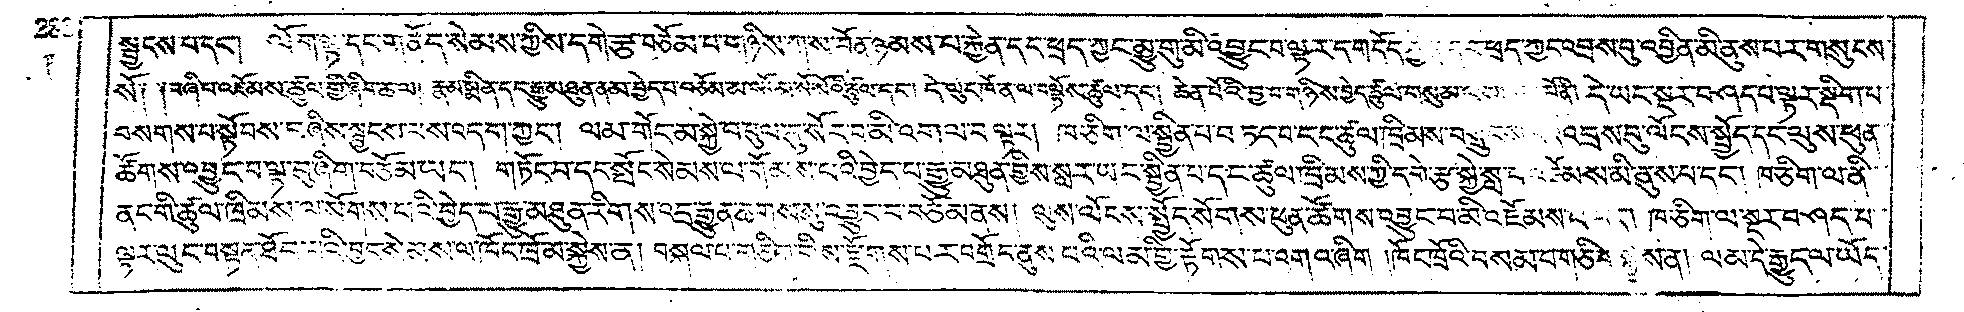སྦྱངས་པ་དང་། ལོག་ལྟ་དང་གནོད་སེམས་ཀྱིས་དགེ་རྩ་བཅོམ་པ་གཉིས་ཀ་ས་བོན་ཉམས་པ་རྐྱེན་དང་ཕྲད་ཀྱང་མྱུ་གུ་མི་འབྱུང་བ་ལྟར་ད་གདོད་རྐྱེན་དང་ཕྲད་ཀྱང་འབྲས་བུ་འབྱིན་མི་ནུས་པར་གསུངས་
སོ༑ ༑བཞི་པ་འཇོམས་ཚུལ་གྱི་ཞིབ་ཆ་ལ། རྣམ་སྨིན་དང་རྒྱུ་མཐུན་ནམ་བྱེད་པ་བཅོམ་མ་བཅོམ་སོ་སོའི་ཚུལ་དང་། དེ་ལུང་ཁོ་ན་ལ་བལྟོས་ཚུལ་དང་། ཆེན་པོའི་བྱ་བ་གཉིས་བྱེད་ཚུལ་གསུམ་ལས། དང་པོ་ནི།  དེ་ཡང་སྔར་བཤད་པ་ལྟར་སྡིག་པ་
བསགས་པ་སྟོབས་བཞིས་སྦྱངས་པས་འདག་ཀྱང་། ལམ་གོང་མ་སྐྱེ་བ་བུལ་དུ་སོང་བ་མི་འགལ་བ་ལྟར། ཁ་ཅིག་ལ་སྦྱིན་པ་བཏང་བ་དང་ཚུལ་ཁྲིམས་བསྲུངས་བའི་འབྲས་བུ་ལོངས་སྤྱོད་དང་ལུས་ཕུན་
ཚོགས་འབྱུང་བ་ལྟ་བུ་ཞིག་བཅོམ་ཡང་། གཏོང་བ་དང་སྤོང་སེམས་ལ་གོམས་པའི་བྱེད་པ་རྒྱུ་མཐུན་གྱིས་སླར་ཡང་སྦྱིན་པ་དང་ཚུལ་ཁྲིམས་ཀྱི་དགེ་རྩ་སྐྱེ་སླ་བ་འཇོམས་མི་ནུས་པ་དང་། ཁ་ཅིག་ལ་ནི་
ནང་གི་ཚུལ་ཁྲིམས་ལ་སོགས་པའི་བྱེད་པ་རྒྱུ་མཐུན་རིགས་འདྲ་རྒྱུན་ཆགས་སུ་འབྱུང་བ་བཅོམ་ནས། ལུས་ལོངས་སྤྱོད་སོགས་ཕུན་ཚོགས་འབྱུང་བ་མི་འཇོམས་པ་དང་། ཁ་ཅིག་ལ་སྔར་བཤད་པ་
ལྟར་ལུང་བསྟན་ཐོབ་པའི་བྱང་སེམས་ལ་ཁོང་ཁྲོ་མ་སྐྱེས་ན། བསྐལ་པ་གཅིག་གིས་རྫོགས་པར་བགྲོད་ནུས་པའི་ལམ་གྱི་རྟོགས་པ་འགའ་ཞིག །ཁོང་ཁྲོའི་བསམ་པ་གཅིག་སྐྱེས་ན། ལམ་དེ་རྒྱུད་ལ་ཡོད་